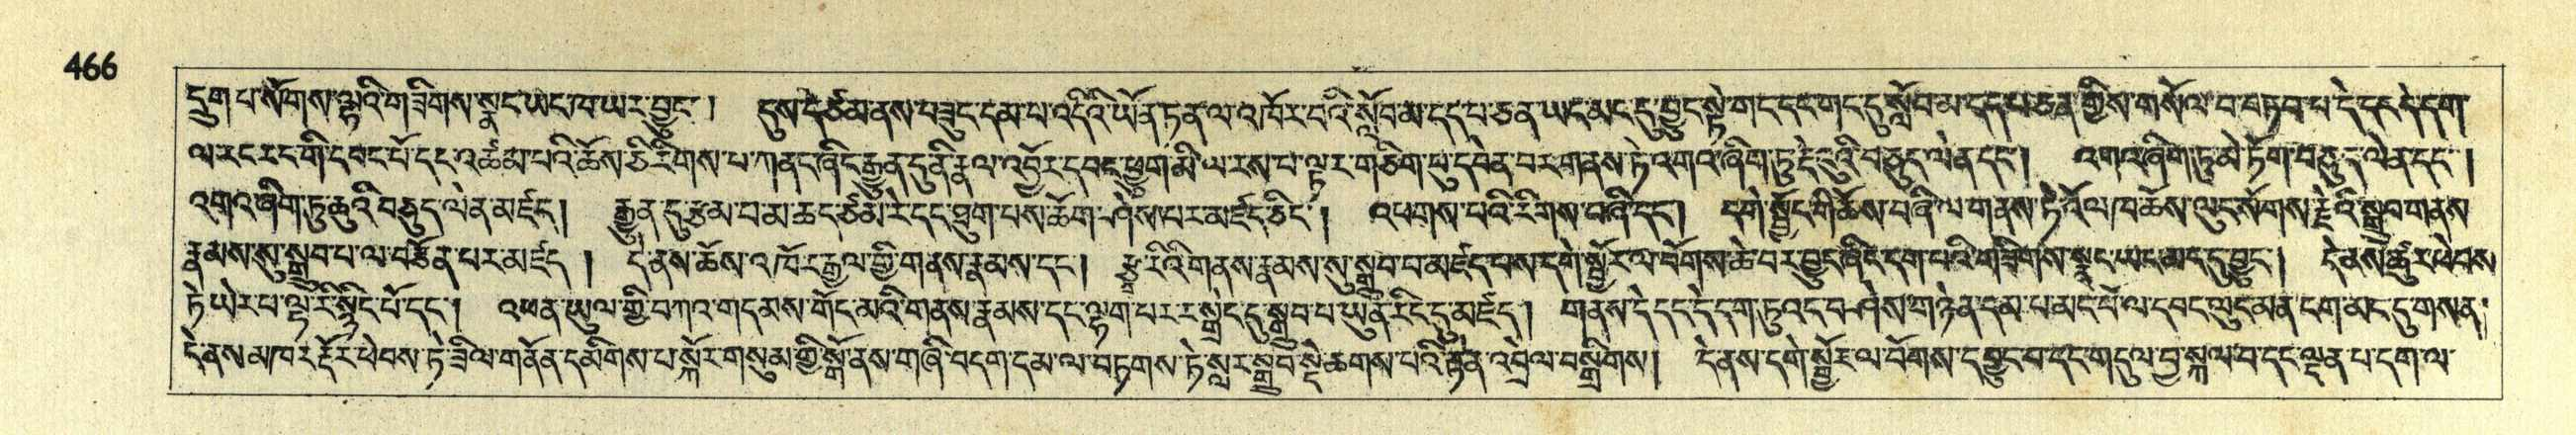དྲུག་པ་སོགས་ལྷའི་གཟིགས་སྣང་ཡང་ཁ་ཡར་བྱུང་། དུས་དེ་ཙམ་ནས་བཟུང་དམ་པ་འདིའི་ཡོན་ཏན་ལ་འཁོར་བའི་སློབ་མ་དད་པ་ཅན་ཡང་མང་དུ་བྱུང་སྟེ་གང་དང་གང་དུ་སློབ་མ་དད་པ་ཅན་གྱིས་གསོལ་བ་བཏབ་པ་དེ་དང་དེ་དག་
ལ་རང་རང་གི་དབང་པོ་དང་འཚམ་པའི་ཆོས་ཅི་རིགས་པ་ཀ་ནང་ཞིང་རྒྱུན་དུ་ནི་རྣལ་འབྱོར་དབང་ཕྱུག་མི་ལ་རས་པ་ལྟར་གཅིག་པུ་དབེན་པར་གནས་ཏེ་འགའ་ཞིག་ཏུ་རྡེའུའི་བཅུད་ལེན་དང་། འགའ་ཞིག་ཏུ་མེ་ཏོག་བཅུད་ལེན་དང་།
འགའ་ཞིག་ཏུ་ཆུའི་བཅུད་ལེན་མཛད། རྒྱུན་དུ་རྩམ་པ་མ་ཆད་ཙམ་རེ་དང་ཐུག་པས་ཆོག་ཤེས་པར་མཛད་ཅིང་། འཕགས་པའི་རིགས་བཞི་དང་། དགེ་སྦྱོང་གི་ཆོས་བཞི་ལ་གནས་ཏེ་འོལ་ཁ་ཆོས་ལུང་སོགས་རྗེའི་སྒྲུབ་གནས་
རྣམས་སུ་སྒྲུབ་པ་ལ་བརྩོན་པར་མཛད། དེ་ནས་ཆོས་འཁོར་རྒྱལ་གྱི་གནས་རྣམས་དང་། རྩྭ་རིའི་གནས་རྣམས་སུ་སྒྲུབ་པ་མཛད་པས་དགེ་སྦྱོར་ལ་བོགས་ཆེ་བར་བྱུང་ཞིང་དག་པའི་གཟིགས་སྣང་ཡང་མང་དུ་བྱུང་། དེ་ནས་ཚུར་ཕེབས་
ཏེ་ཡེར་པ་ལྷ་རི་སྙིང་པོ་དང་། འཕན་ཡུལ་གྱི་བཀའ་གདམས་གོང་མའི་གནས་རྣམས་དང་ལྷག་པར་ར་སྒྲེང་དུ་སྒྲུབ་པ་ཡུན་རིང་དུ་མཛད། གནས་དེ་དང་དེ་དག་ཏུའང་བཤེས་གཉེན་དམ་པ་མང་པོ་ལ་དབང་ལུང་མན་ངག་མང་དུ་གསན།
དེ་ནས་མཁར་རྡོར་ཕེབས་ཏེ་ཟིལ་གནོན་དམིགས་པ་སྐོར་གསུམ་གྱི་སྒོ་ནས་གཞི་བདག་དམ་ལ་བཏགས་ཏེ་སླར་སྒྲུབ་སྡེ་ཆགས་པའི་རྟེན་འབྲེལ་བསྒྲིགས། དེ་ནས་དགེ་སྦྱོར་ལ་བོགས་དབྱུང་བ་དང་གདུལ་བྱ་སྐལ་བ་དང་ལྡན་པ་དག་ལ་